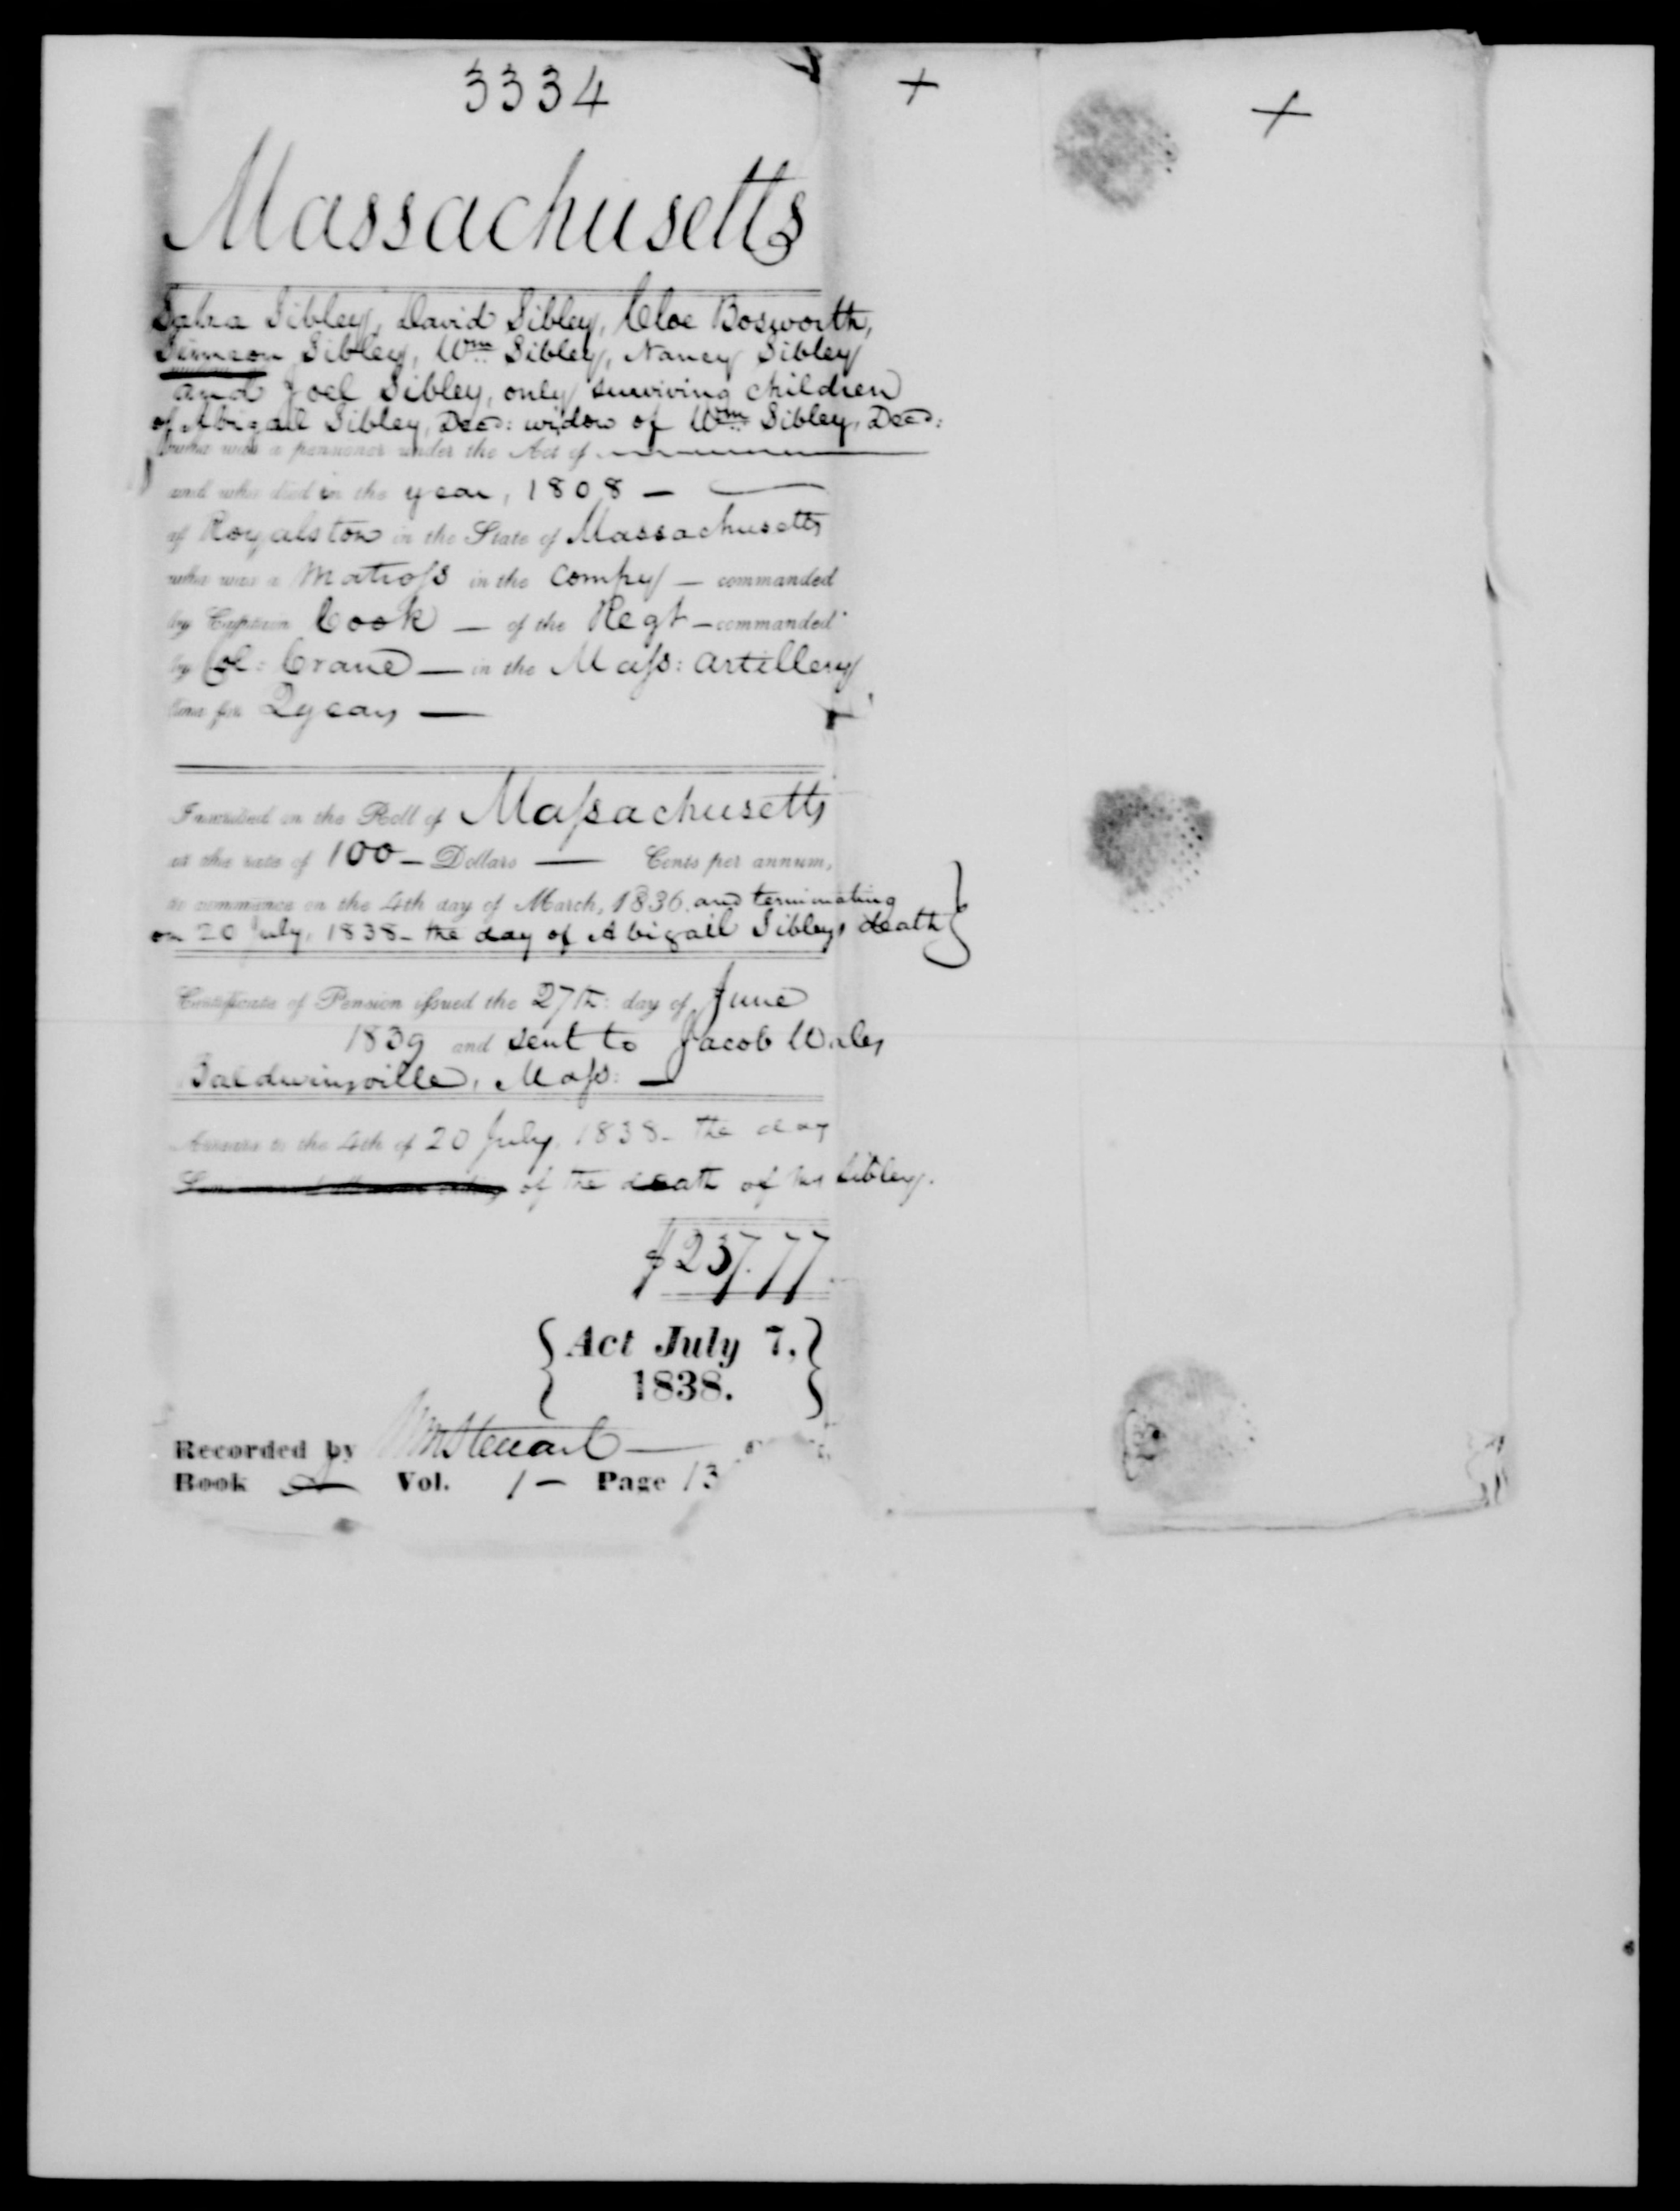3334
Massachusetts
Sabra Sibley, David Sibley, Cloe Bosworth, Simeon Sibley, Wm Sibley, Nancy Sibley and Joel Sibley, only surviving children of Abigail Sibley decd: widow of Wm Sibley decd [illegible] was a pensioner under the Act of ----and who died in the year, 1808 - of Royalston in the State of Massachusetts who was a Matross in the Compy commanded by Captain Cook - of the Regt commanded by Col Crane - in the Mass artillery [illegible] for 2 years - 

[illegible] on the roll of Massachusetts at the rate of 100 dollars - cents per annum, to commence on the 4th day of March 1836, and terminating on 20 July 1838 - the day if Abigail Sibleys death

Certificate of Pension issued the 27th day of June 1839 and sent to Jacob Wales Baldwinsville, Mass

Arrears to the [illegible]th of 20 July 1838. the day of the death of Mrs.  Sibley
$237.77
Act July 7, 1838

Recorded by Wm Steuart
Book A Vol 1 Page 13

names: [BLANK] Sibley; Abigail Sibley; Cloe Bosworth; Abigail Sibley; David Sibley; Wm Sibley; Jacob Wales; [BLANK] Crane; [BLANK] Cook; Joel Sibley; Wm Steuart; Wm Sibley; Sabra Sibley; Simeon Sibley; Nancy Sibley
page: 2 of 24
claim: widow's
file: W. 15,338, for William Sibley, Massachusetts